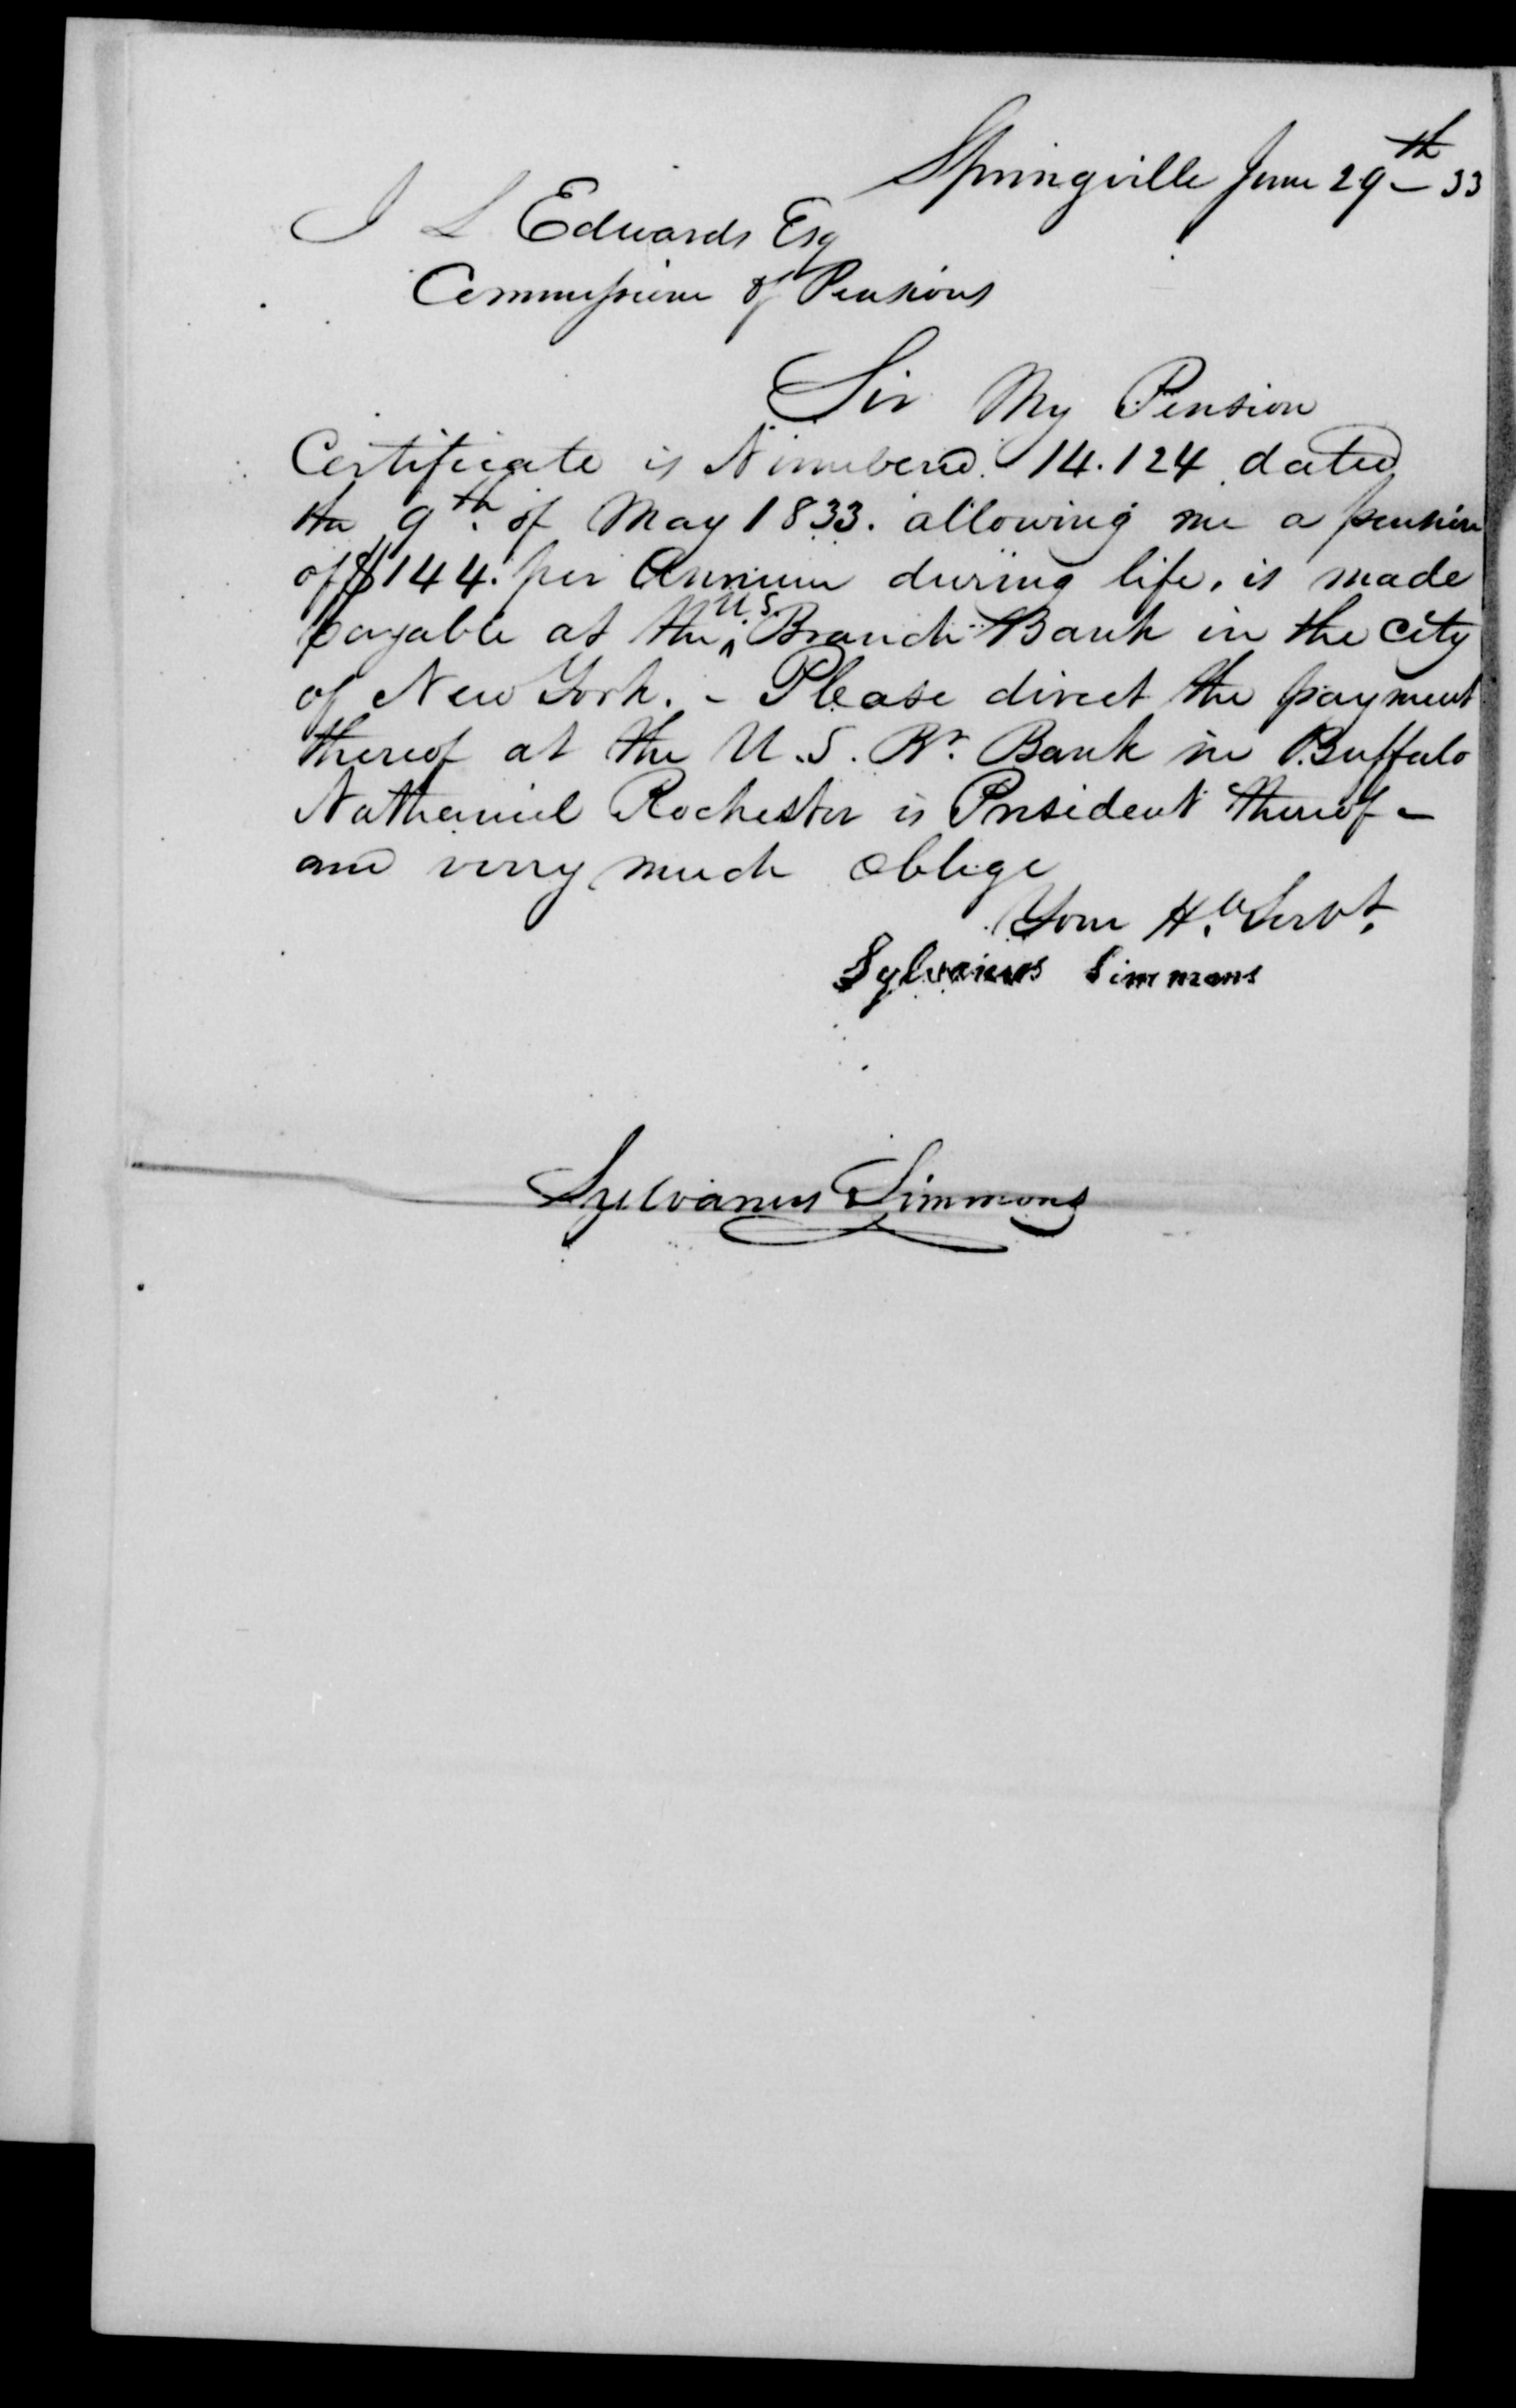Springville June 29th--33
J L Edwards Esq
Commissioner of Pensions
Sir my Pension
Certificate is Numbered 14.124 dated
the 9th of May 1833, allowing me a pension
of $144 per Annum during life, is made
payable at the U.S. Branch Bank in the City  
of New York. - Please direct the payment
thereof at the U.S. Br. Bank in Buffalo
Nathaniel Rochester is President thereof--
am verry much oblige
Your Hb. Servt.
Sylvanus Simmons [signature]
Sylvanus Simmons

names: Nathaniel Rochester; Sylvanus Simmons; J L Edwards; Sylvanus Simmons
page: 31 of 31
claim: survivor's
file: S. 14484, for Sylvanus Simmons, New York